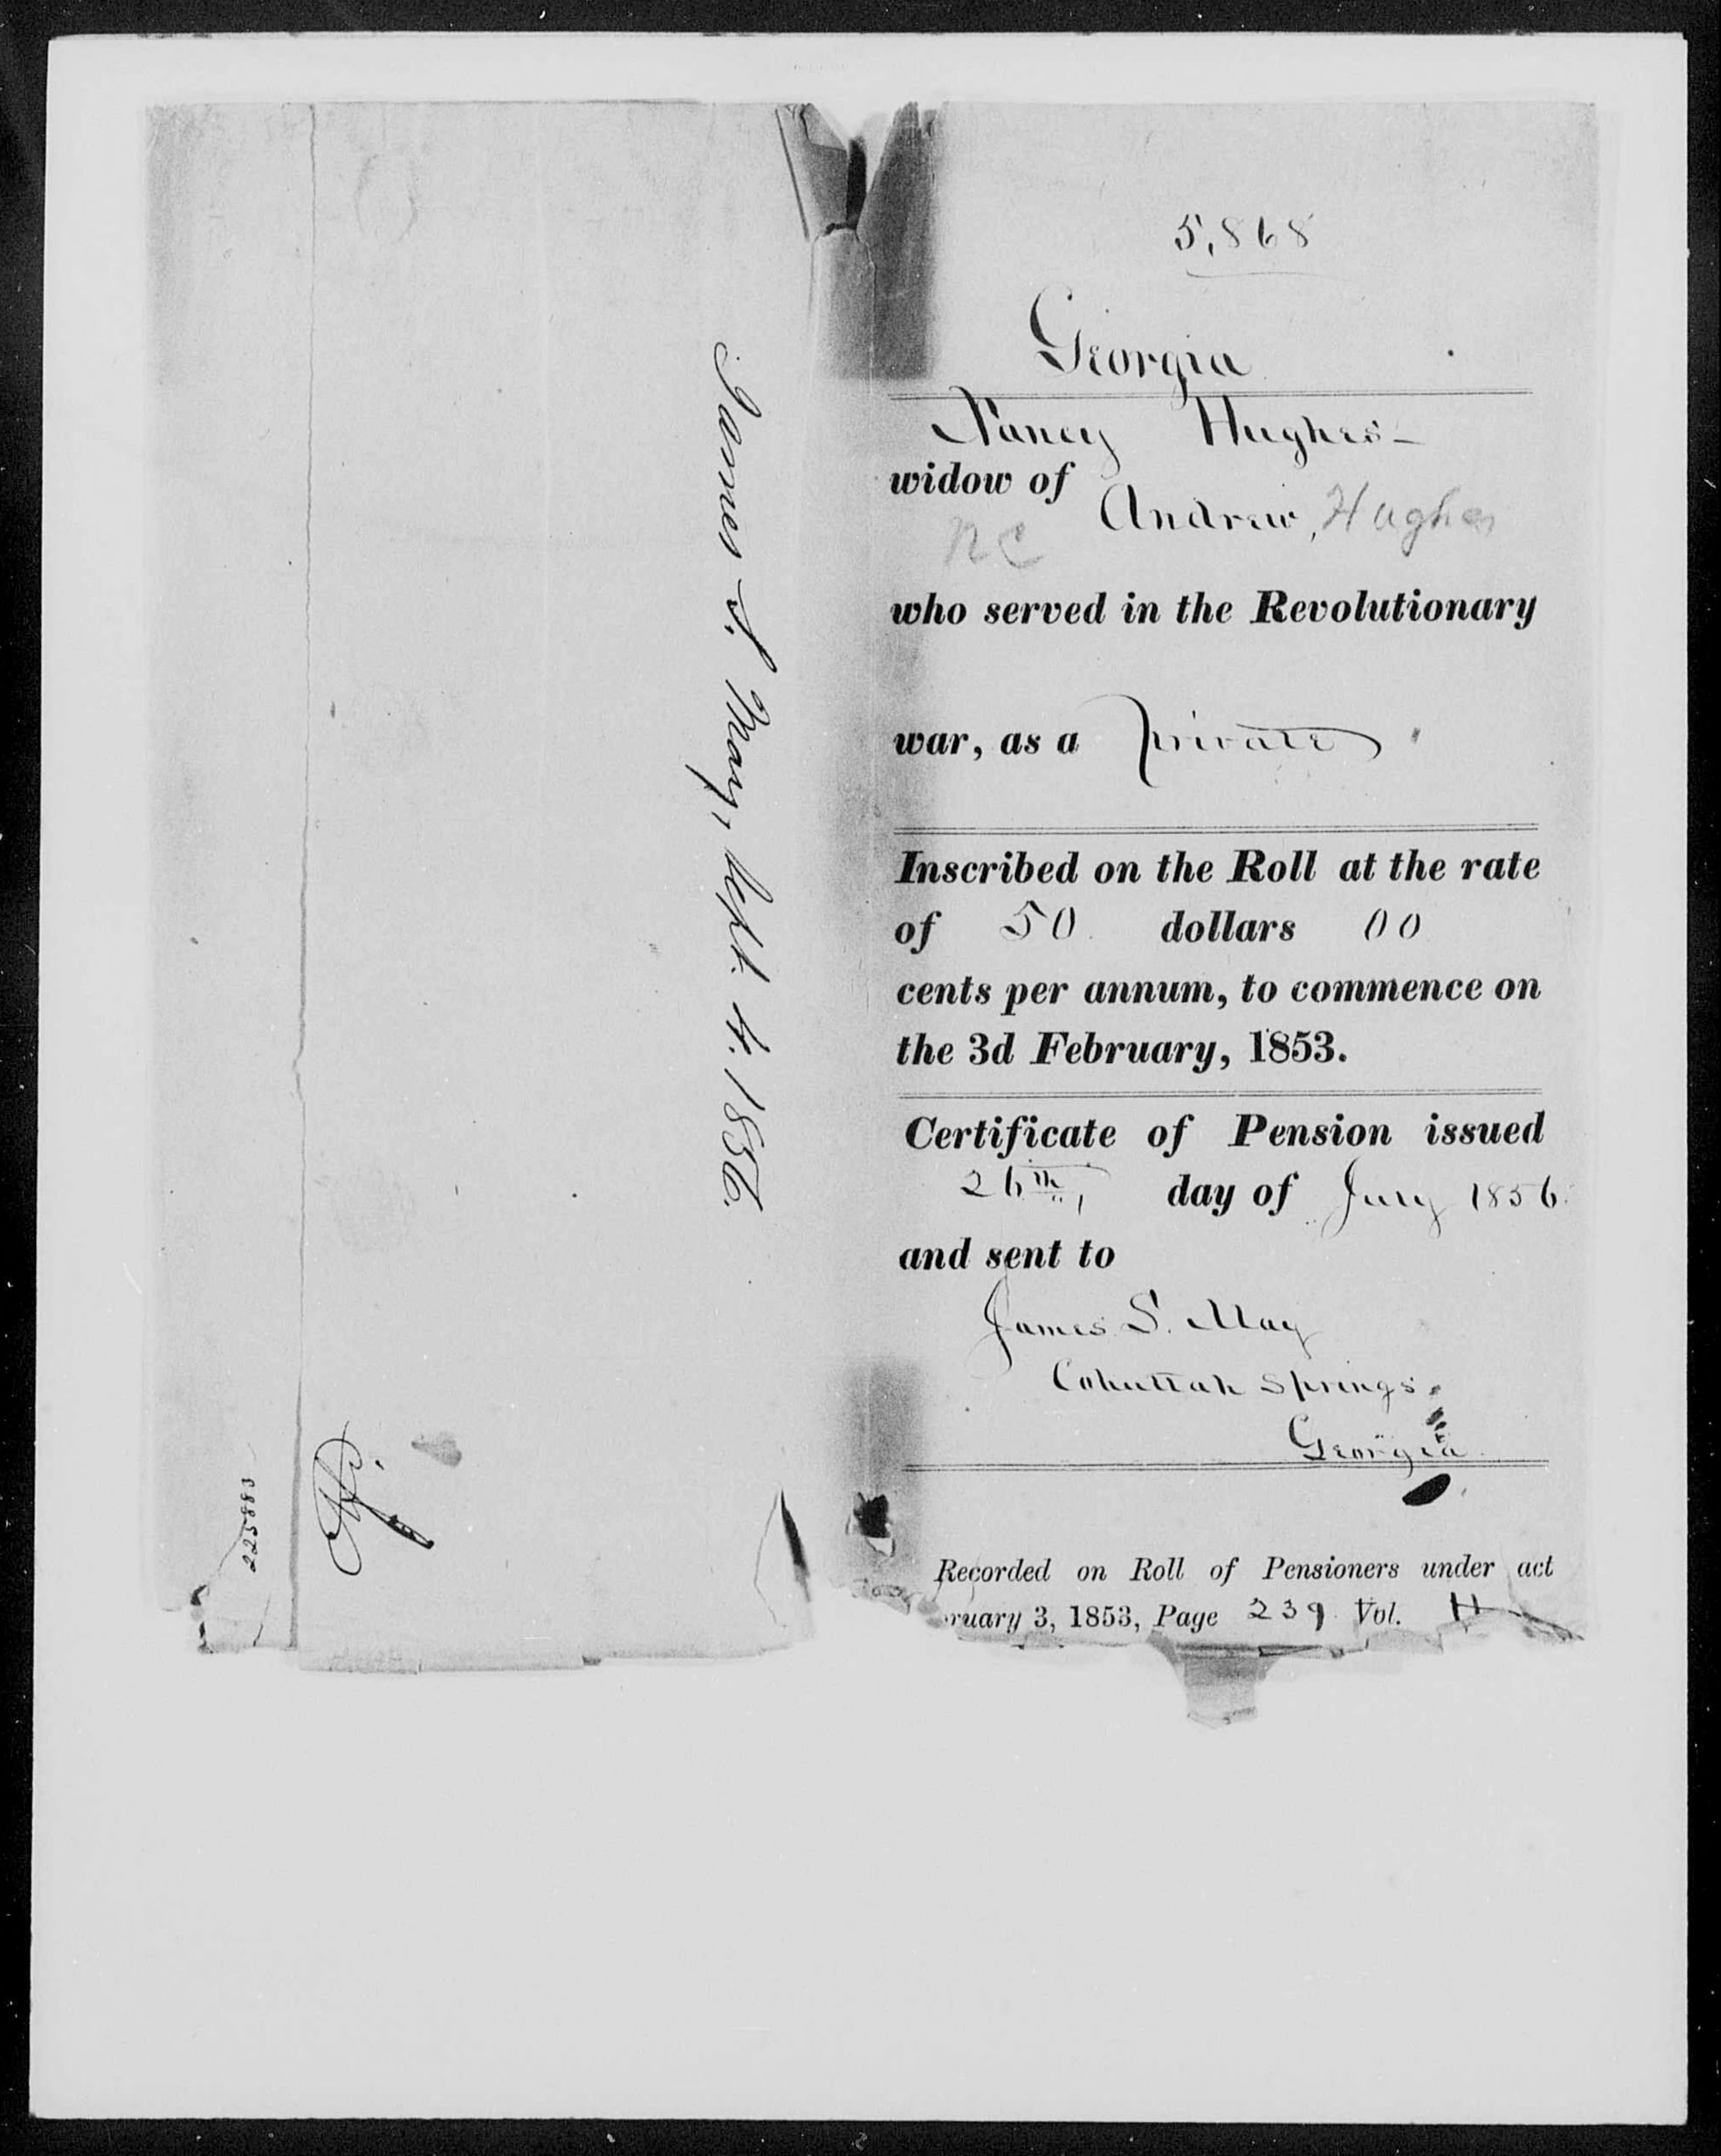5,865

Georgia
Nancy Hughes widow of Andrew Hughes NC who served in the Revolutionary war, as a private.

Inscribed on the Roll at the rate of 50 dollars 00 cents per annum, to commence on the 3d February, 1853.

Certificate of Pension issued 26th day of July 1856 and sent to James S. May,  
Cohuttah Springs, Georgia

Recorded on Roll of Pensioners under act [illegible] February 3, 1853, Page 239 Vol. [illegible]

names: Nancy Hughes, James S May, Andrew Hughes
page: 3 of 75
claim: widow's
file: W. 25805, Andrew Hughes, N.C.